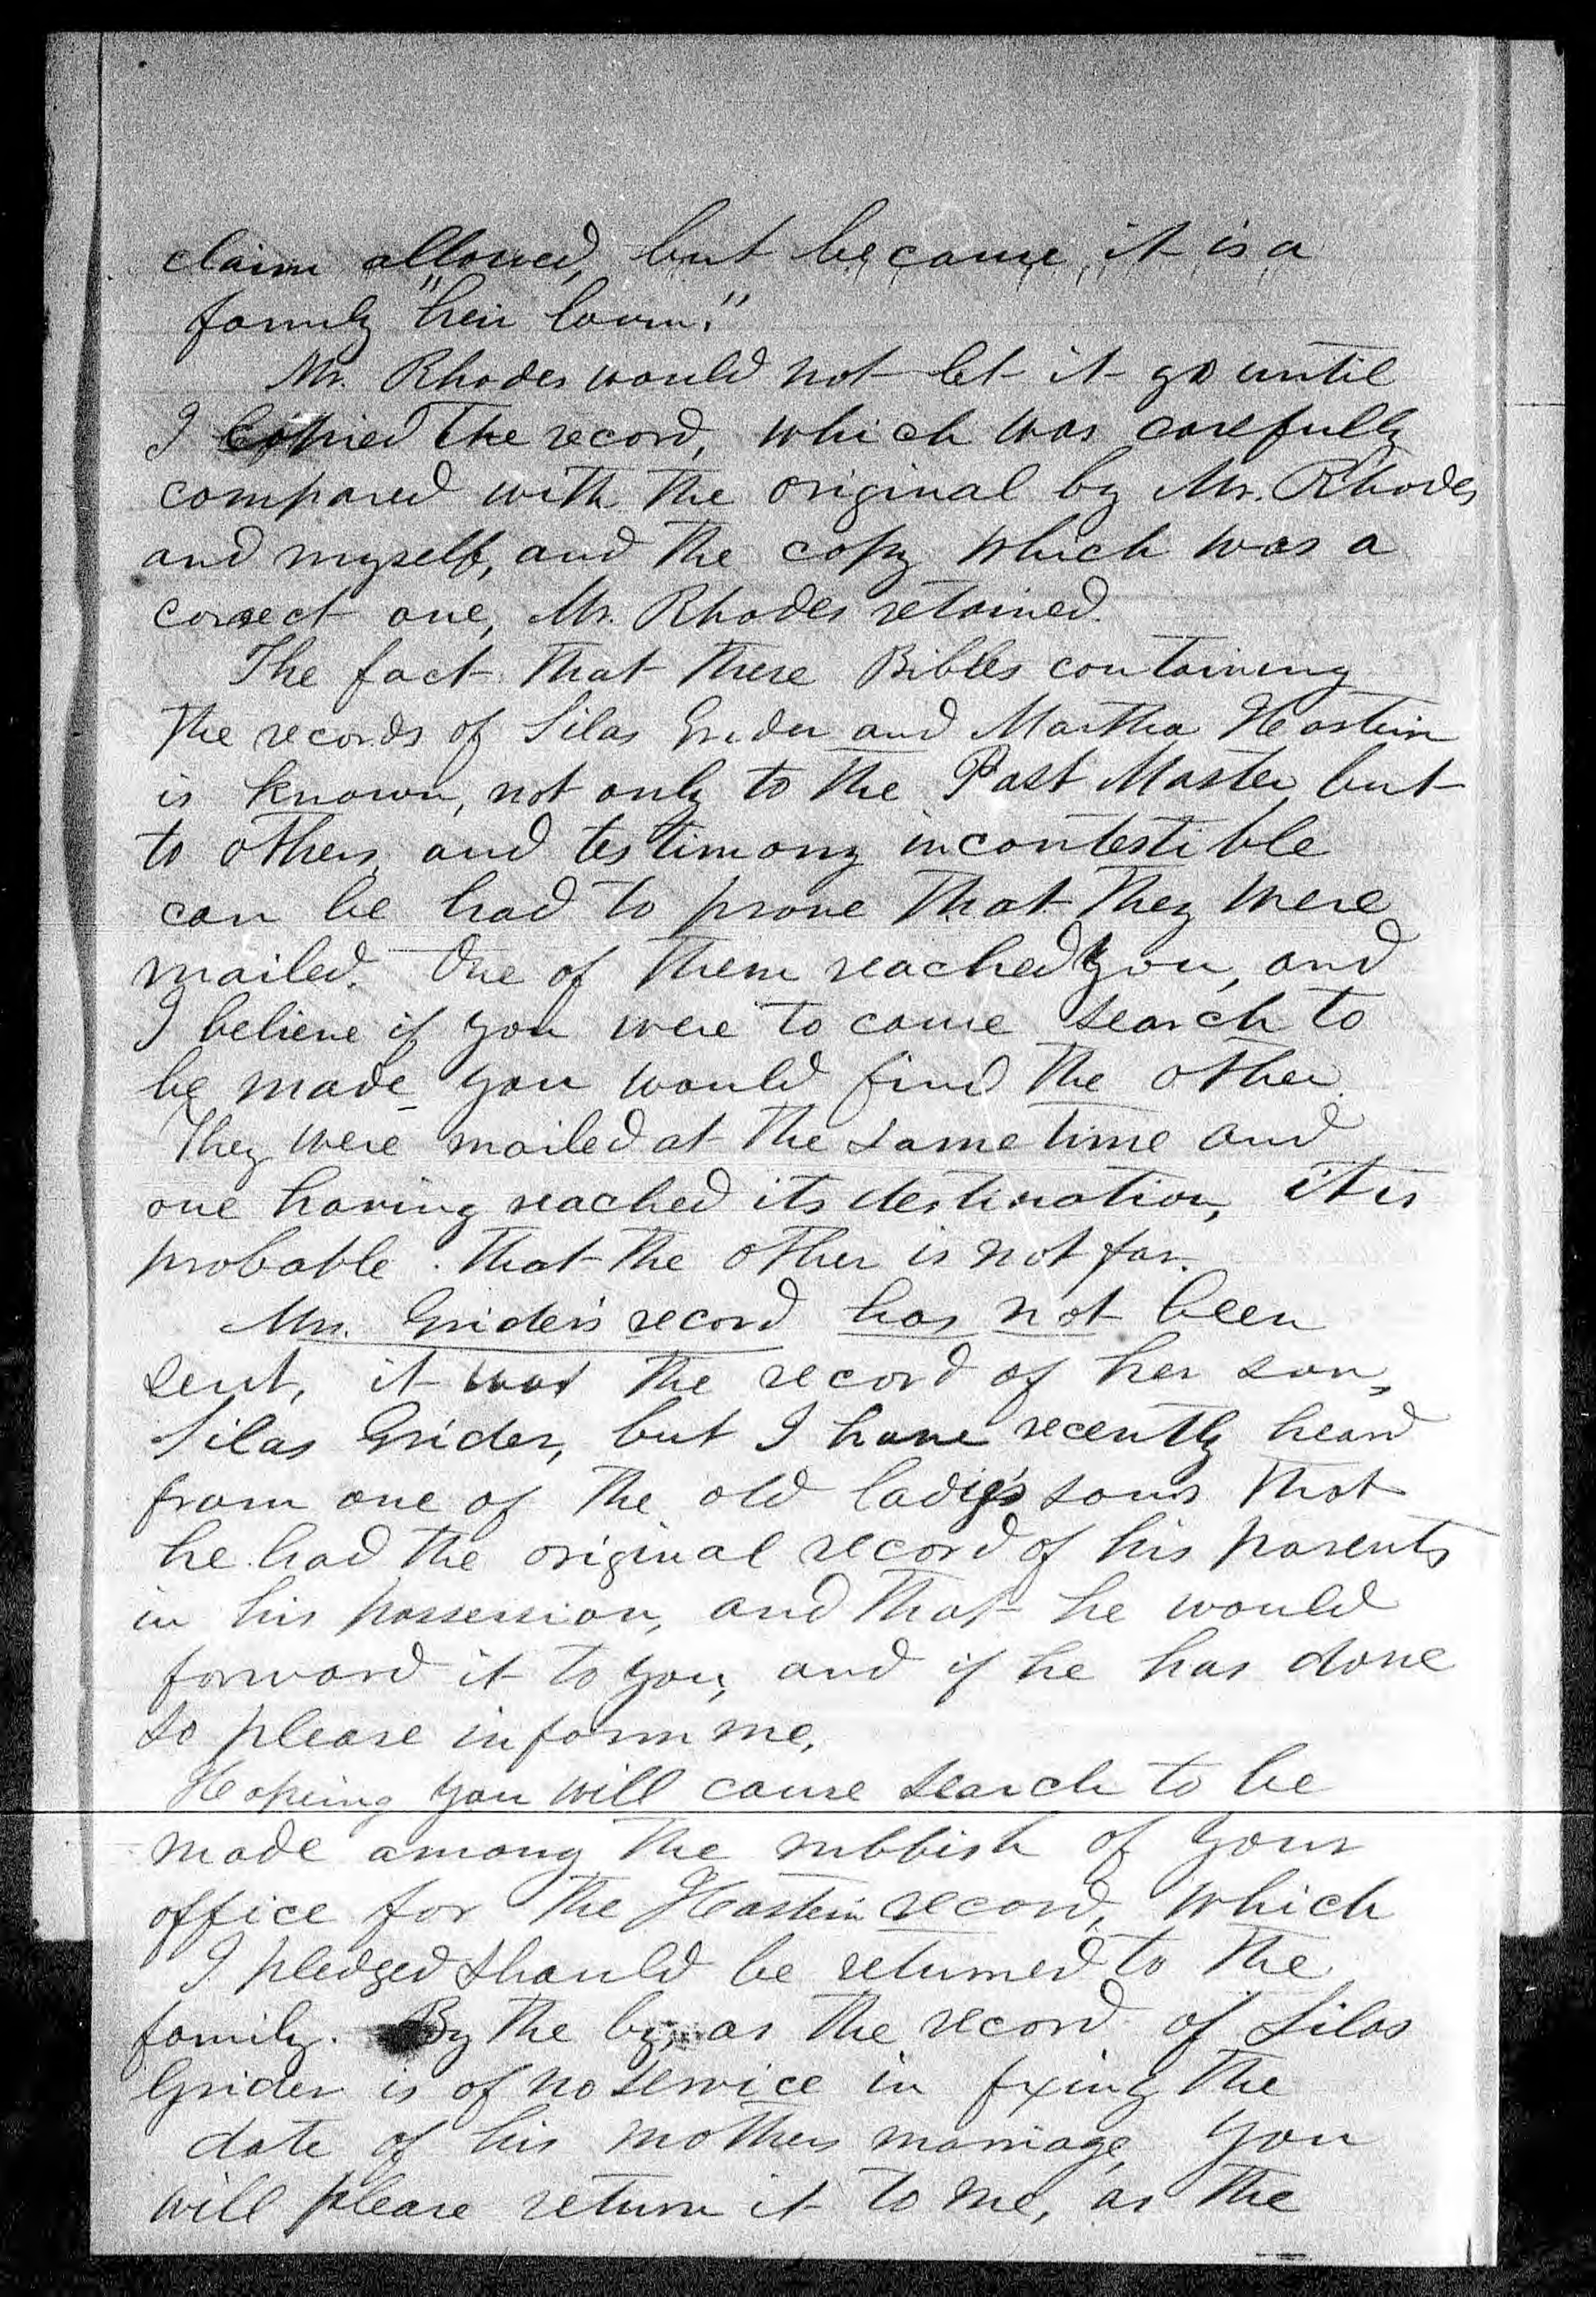claim allowed, but because it is a family "heir Loom".
     Mr Rhodes would not let it go until I Copied the record, which was carefully compared with the original by Mr. Rhodes and myself, and the copy which was a correct one, Mr Rhodes retained.
     The fact that there Bibles containing the records of Silas Grider and Martha Hastein is known , not only to the Post Master but to others and testimony incontestible [incontestable] can be had to prove that they were mailed. One of them reached you, and I believe if you were to cause search to be made, you would find the other. They were mailed at the same time and one having reached its destination, it is probably that the other is not far.
     Mrs Grider's record has not been sent, it was the record of her son Silas Grider, but I have recently heard from one of the old lady's sons that he had the original record of his parents in his possession, and that he would forward it to you, and if he has done so please inform me.
      Hoping you will cause search to be made among the rubbish of your office for the Hastein record, which I pledged should be returned to the famly. By the by, as the record of Silas Grider is of no service in fixing the date of his mothers marriage, you will please return it to me, as the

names: Silas Grider, Rhodes, Rhodes, Rhodes, Grider, Silas Grider, Hastein, Silas Grider, Martha Hastein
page: 63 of 91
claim: widow's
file: W 358, John Grider, N.C.